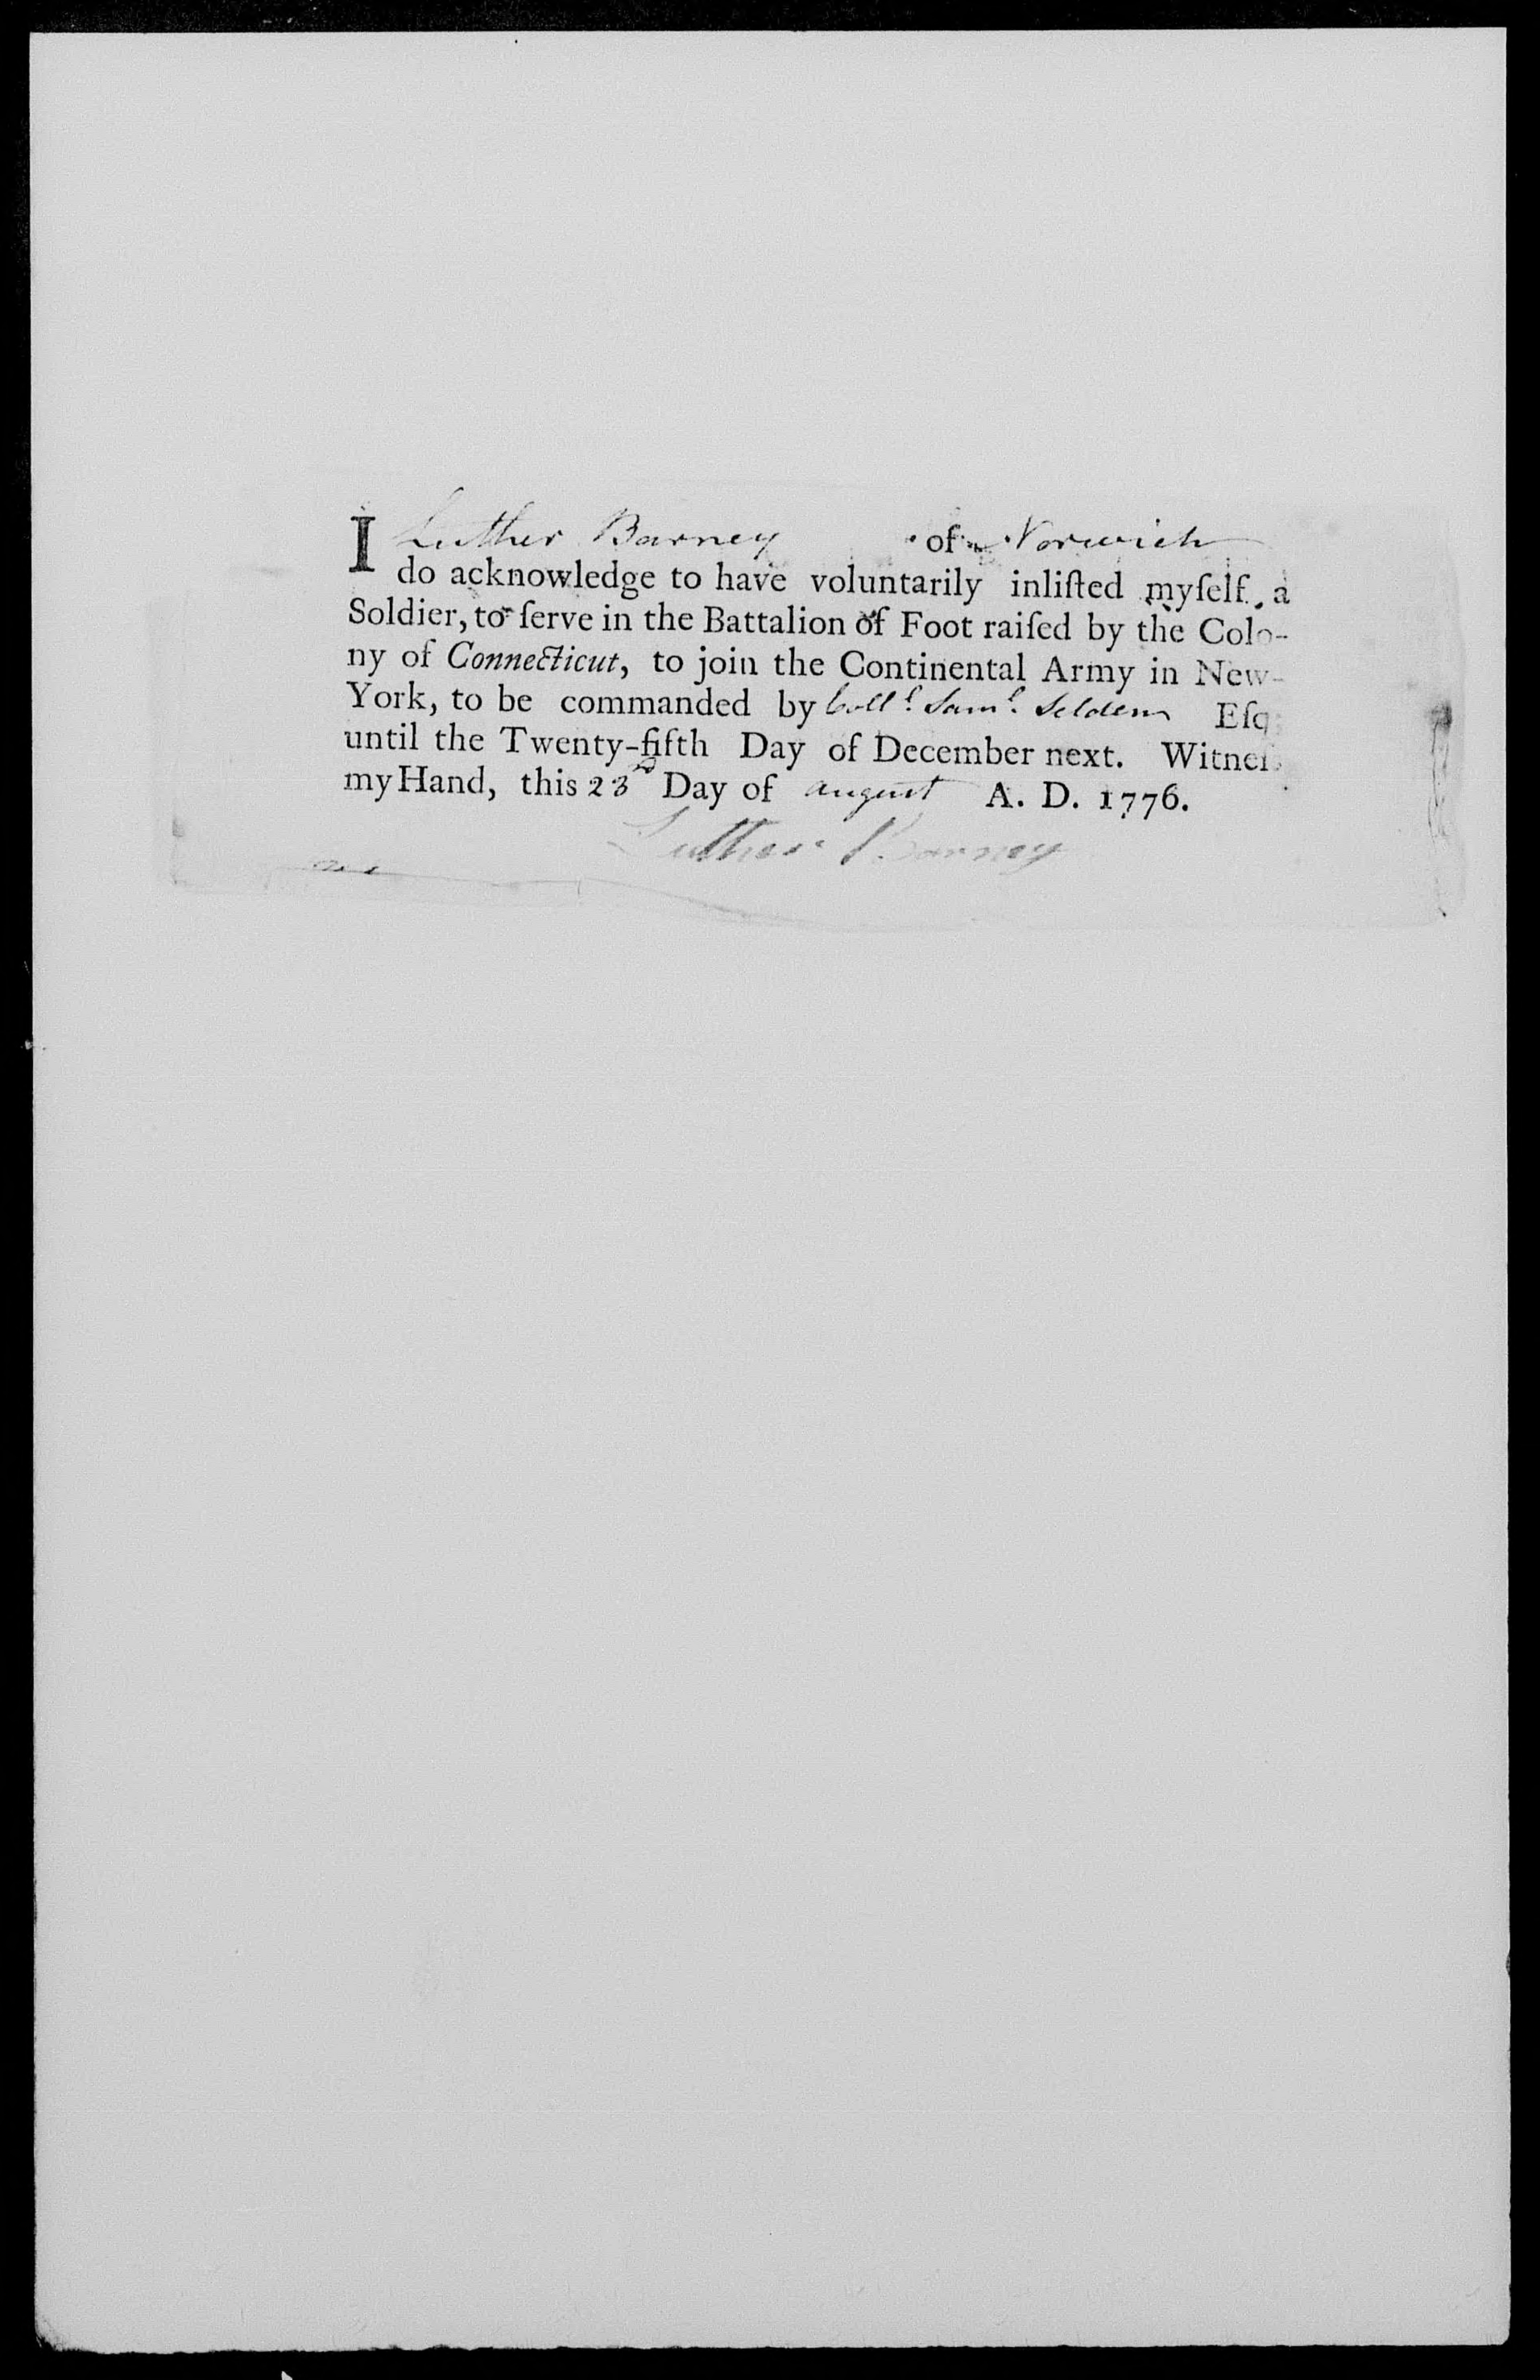I Luther Barney of Norwich
do acknowledge to have voluntarily inlisted myself a Soldier, to serve in the Battalion of Foot raised by the Colony of Connecticut, to join the Continental Army in New-York, to be commanded by Col. Saml Selden Esq. until the Twenty-fifth Day of December next. Witness my Hand, this 23rd day of August A.D. 1776.
Luther Barney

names: Saml Selden, Luther Barney, Luther Barney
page: 23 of 61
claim: widow's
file: W. 4.124, Luther Barney, Conn. Privateer.